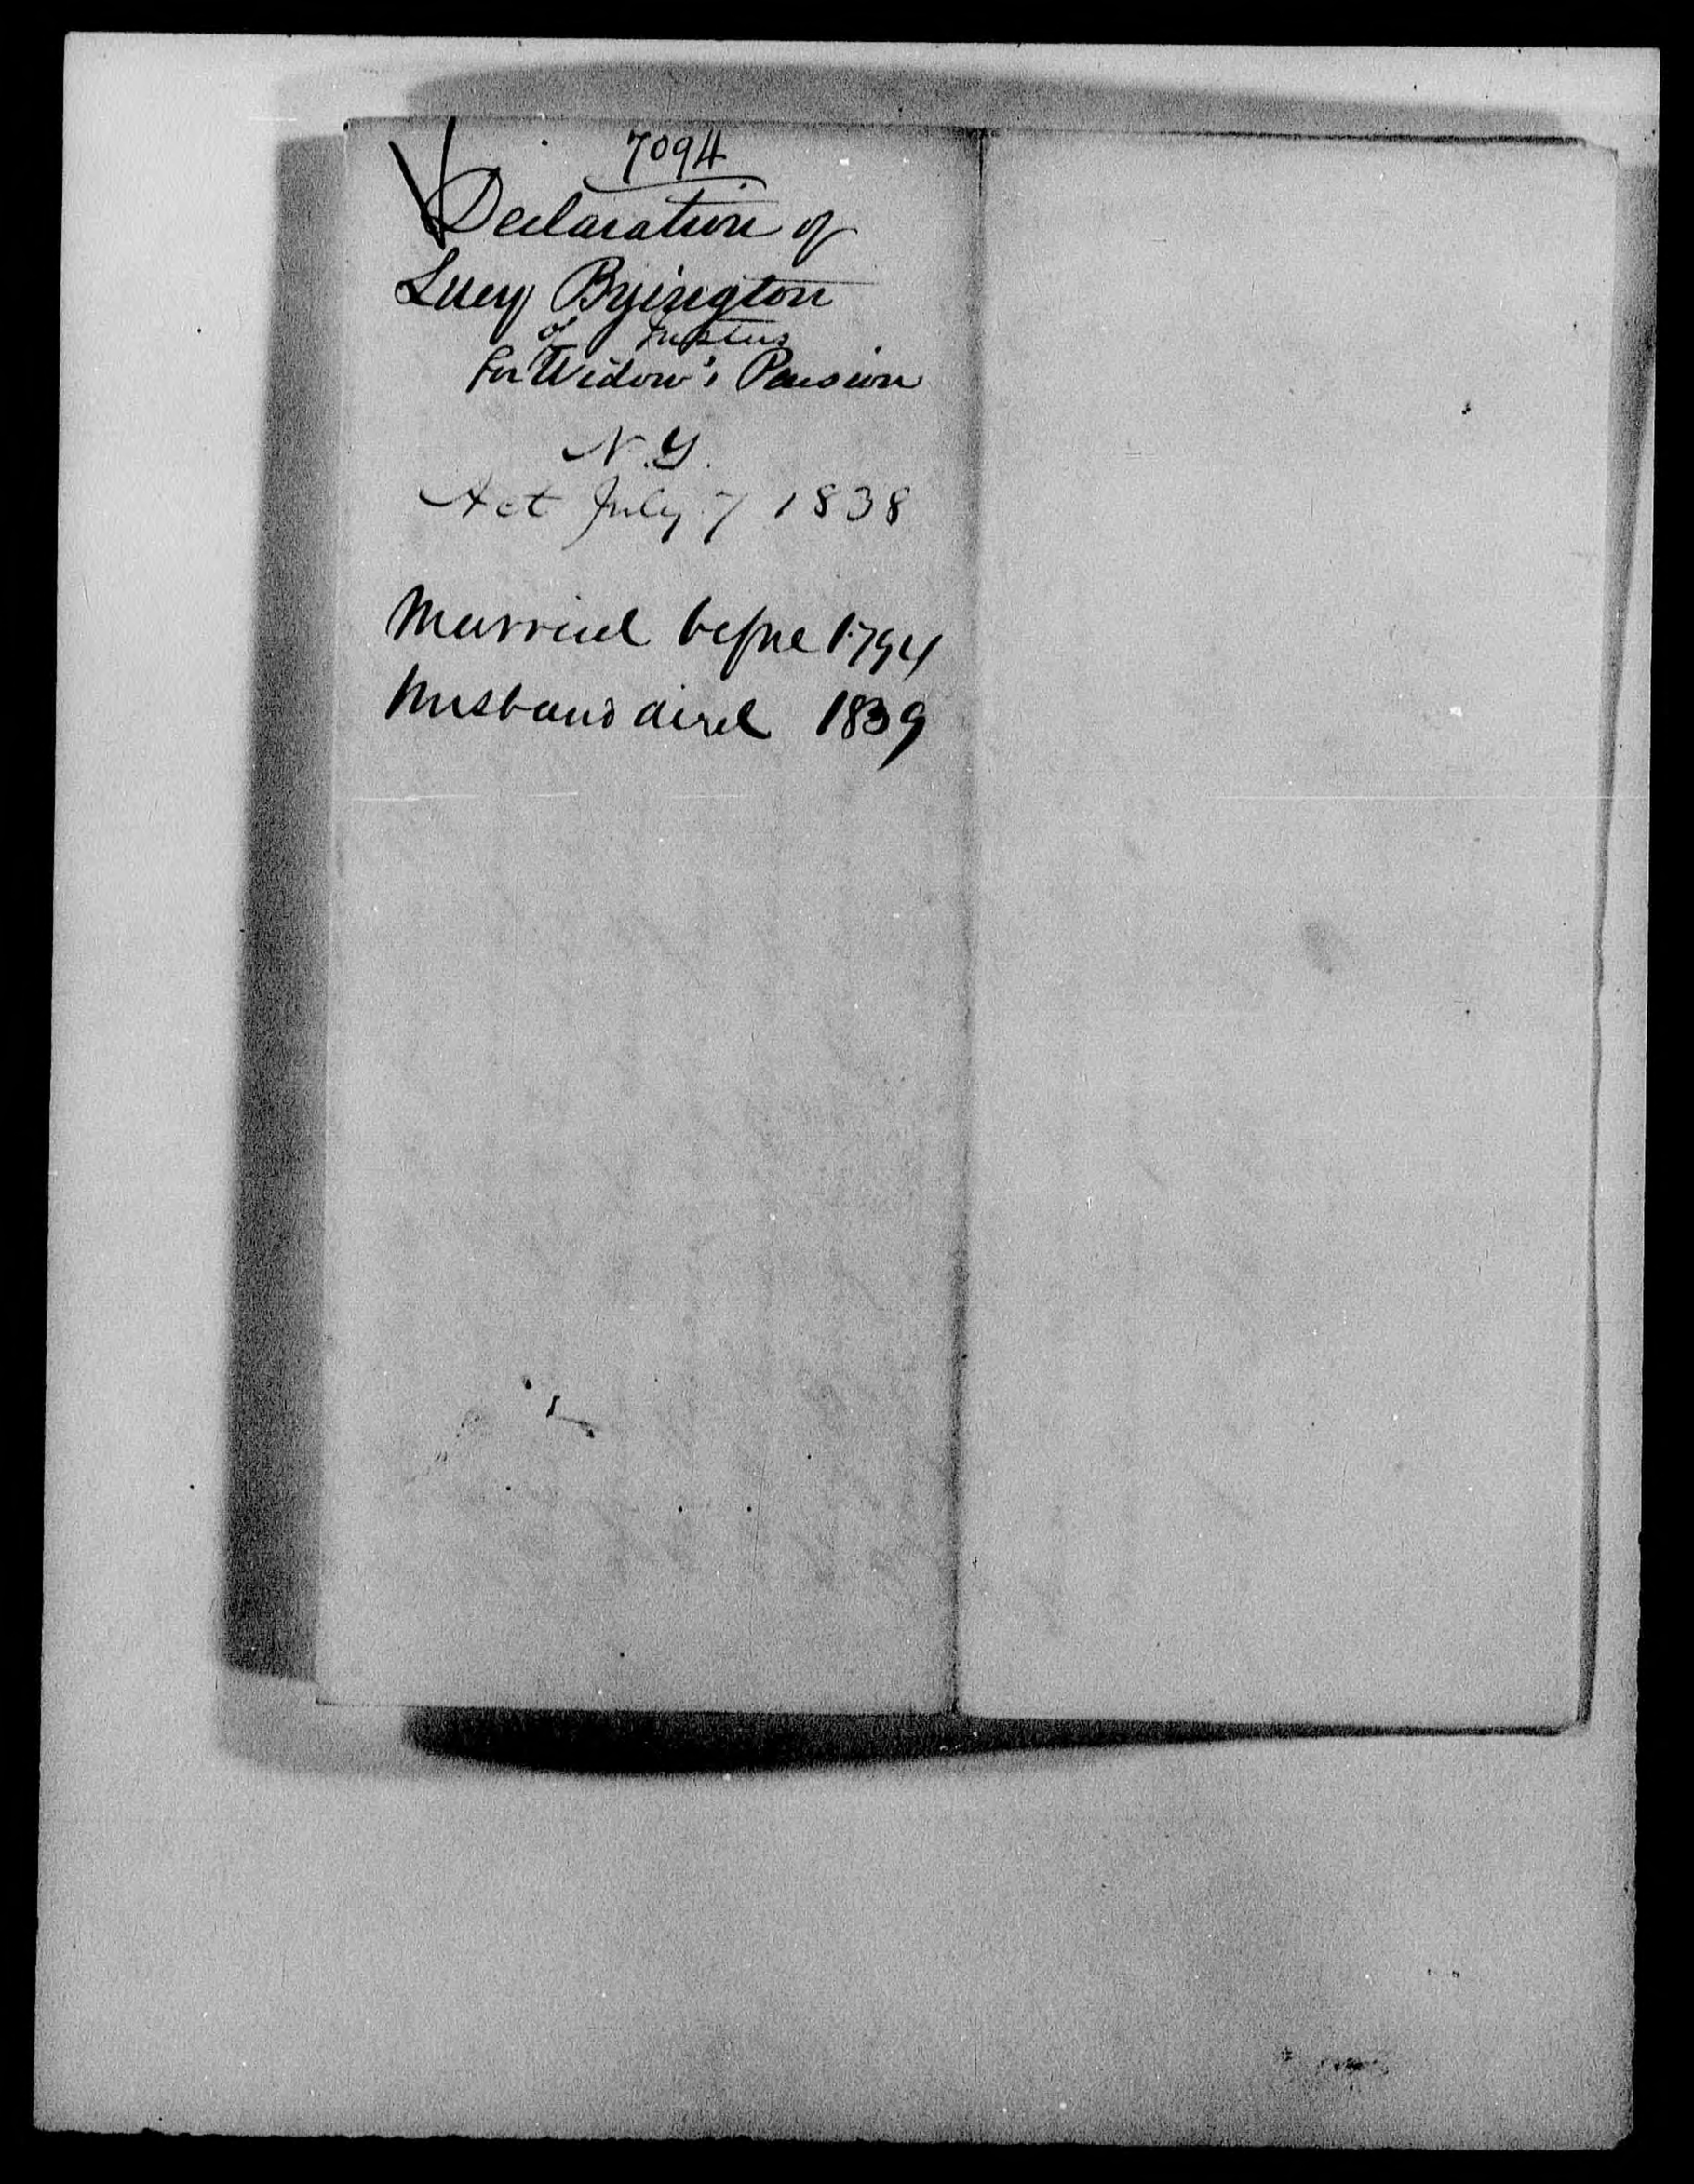7094
Declaration of
Lucy Byington
of Justus
for Widow's Pension
N.Y.
Act July 7, 1838

married before 1794
husband died 1839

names: Lucy Byington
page: 6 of 79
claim: widow's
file: W. 23754, Justus Byington, Conn.